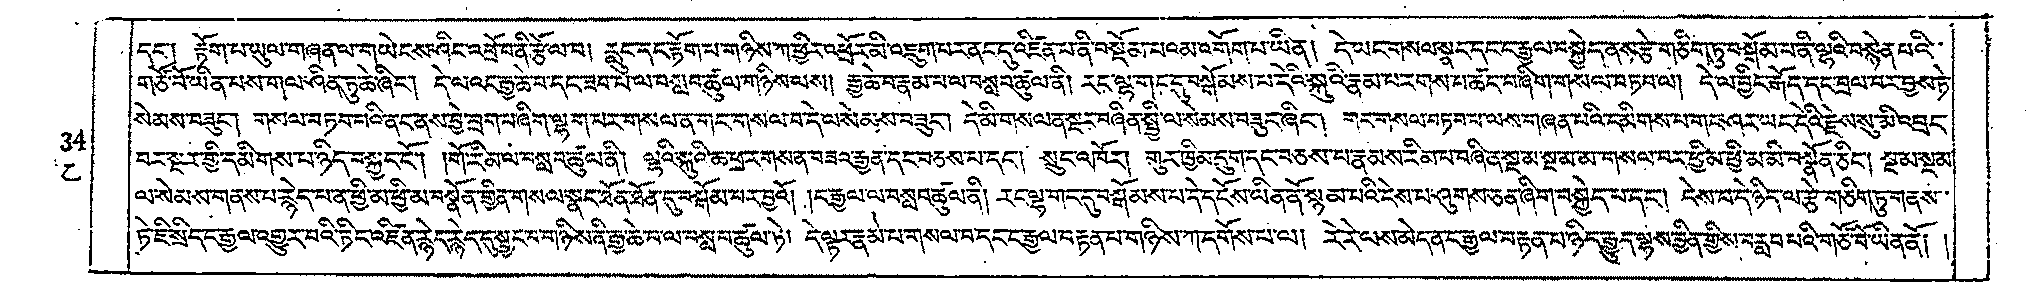དང་། རྟོག་པ་ཡུལ་གཞན་ལ་གཡེངས་ཤིང་འཕྲོ་བ་ནི་རྩོལ་བ། རླུང་དང་རྟོག་པ་གཉིས་ཀ་ཕྱིར་འཕྲོར་མི་འཇུག་པར་ནང་དུ་འཛིན་པ་ནི་བསྡོམ་པའམ་འགོག་པ་ཡིན། དེ་ཡང་གསལ་སྣང་དང་ང་རྒྱལ་བསྐྱེད་ནས་རྩེ་གཅིག་ཏུ་བསྒོམ་པ་ནི་ལྷའི་བསྙེན་པའི་་་
གཙོ་བོ་ཡིན་པས་གལ་ཤིན་ཏུ་ཆེ་ཞིང་། དེ་ལའང་རྒྱ་ཆེ་བ་དང་ཟབ་པ་ལ་བསླབ་ཚུལ་གཉིས་ལས། རྒྱ་ཆེ་བ་རྣམ་པ་ལ་བསླབ་ཚུལ་ནི། རང་ལྷ་གང་དུ་བསྒོམས་པ་དེའི་སྐུའི་རྣམ་པ་རགས་པ་ཚང་བ་ཞིག་གསལ་བཏབ་ལ། དེ་ལ་བྱིང་རྒོད་དང་བྲལ་བར་བྱས་ཏེ་
སེམས་བཟུང་། གསལ་བཏབ་པའི་ནང་ནས་བྱེ་བྲག་པ་ཞིག་ལྷག་པར་གསལ་ན་གང་གསལ་བ་དེ་ལ་སེམས་བཟུང་། དེ་མི་གསལ་ན་སྔར་བཞིན་སྤྱི་ལ་སེམས་བཟུང་ཞིང་། གང་གསལ་བཏབ་པ་ལས་གཞན་པའི་དམིགས་པ་གང་ཤར་ཡང་དེའི་རྗེས་སུ་མི་འབྲང་
བར་སྔར་གྱི་དམིགས་པ་ཉིད་བསྐྱང་ངོ། །གོ་རིམ་ལ་བསླབ་ཚུལ་ནི། ལྷའི་སྐུའི་ཆ་ཕྲ་རགས་ན་བཟའ་རྒྱན་དང་བཅས་པ་དང་། སྲུང་འཁོར། གུར་ཁྱིམ་དྲུག་དང་བཅས་པ་རྣམས་རིམ་པ་བཞིན་སྔ་མ་སྔ་མ་མ་གསལ་བར་ཕྱི་མ་ཕྱི་མ་མི་བསྣོན་ཅིང་། སྔ་མ་སྔ་མ་
ལ་སེམས་གནས་པ་རྙེད་པ་ན་ཕྱི་མ་ཕྱི་མ་བསྣོན་གྱིན་གསལ་སྣང་ཐོན་ཐོན་དུ་བསྒོམ་པར་བྱའོ། །ང་རྒྱལ་ལ་བསླབ་ཚུལ་ནི། རང་ལྷ་གང་དུ་བསྒོམས་པ་དེ་དངོས་ཡིན་ནོ་སྙམ་པའི་ངེས་པ་ཤུགས་ཅན་ཞིག་བསྐྱེད་པ་དང་། ངེས་པ་དེ་ཉིད་ལ་རྩེ་གཅིག་ཏུ་གནས་
ཏེ་ཇི་སྲིད་ང་རྒྱལ་འགྱུར་བའི་ཏིང་འཛིན་རྙེད་རྙེད་དུ་སྦྱང་བ་གཉིས་ནི་རྒྱ་ཆེ་བ་ལ་བསླབ་ཚུལ་ཏེ། དེ་ལྟར་རྣམ་པ་གསལ་བ་དང་ང་རྒྱལ་བརྟན་པ་གཉིས་ཀ་དགོས་པ་ལ། རེ་རེ་ལས་མེད་ན་ང་རྒྱལ་བརྟན་པ་ཉིད་རྒྱུད་ལྷས་བྱིན་གྱིས་བརླབ་པའི་གཙོ་བོ་ཡིན་ནོ།